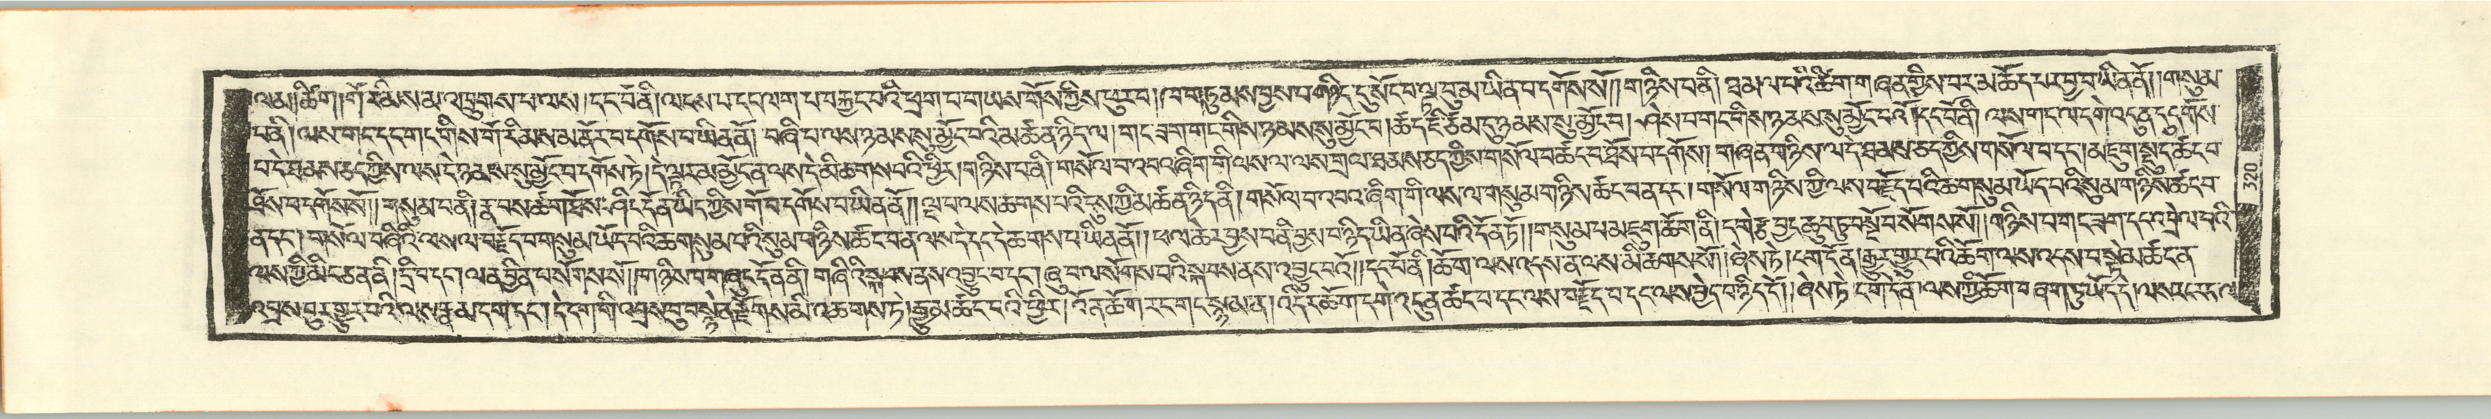ལམ། ཚིག། གོ་རིམས་མ་འཁྲུགས་པ་ལས། དང་པོ་ནི། ལངས་པ་དང་ལག་པ་བརྐྱང་བའི་ཕྲག་བ་གཡས་གོས་ཀྱིས་ཕུར་བ། ཁ་གཏུམས་བྱས་པ་གཉིད་དུ་སོང་བ་ལྟ་བུ་མ་ཡིན་པ་དགོས་སོ། །གཉིས་པ་ནི། ཐ་མལ་པའི་ཚིག་གཞན་གྱིས་བར་མཆོད་པར་བྱ་བ་ཡིན་ནོ། །གསུམ་
པ་ནི། ལས་གང་དང་གང་གིས་གོ་རིམས་མ་ནོར་བ་དགོས་པ་ཡིན་ནོ། །བཞི་པ་ལས་ཉམས་སུ་མྱོང་བའི་མཚན་ཉིད་ལ། གང་ཟག་གང་གིས་ཉམས་སུ་མྱོང་བ། ཚད་ཇི་ཙམ་དུ་ཉམས་སུ་མྱོང་བ། ཤེས་པ་གང་གིས་ཉམས་སུ་མྱོང་བའོ། །དང་པོ་ནི། ལས་གང་ལ་དགེ་འདུན་དུ་དགོས་
པ་དེ་ཐམས་ཅད་ཀྱིས་ལས་དེ་ཉམས་སུ་མྱོང་བ་དགོས་ཏེ། དེ་ལྟར་མ་མྱོང་ན་ལས་དེ་མི་ཆགས་པའི་ཕྱིར། གཉིས་པ་ནི། གསོལ་བ་འབའ་ཞིག་གི་ལས་ལ་ལས་གྲལ་ཐམས་ཅད་ཀྱིས་གསོལ་བ་ཚང་བ་ཐོས་བ་དགོས། གཞན་གཉིས་ལ་དེ་ཐམས་ཅད་ཀྱིས་གསོལ་བ་དང་། མཇུག་སྡུད་ཚང་བ་
ཐོས་བ་དགོས་སོ། །གསུམ་པ་ནི། རྣ་བས་ཚག་ཐོས་ཤིང་དོན་ཡིད་ཀྱིས་གོ་བ་དགོས་པ་ཡིན་ནོ། །ལྔ་པ་ལས་ཆགས་པའི་དུས་ཀྱི་མཚན་ཉིད་ནི། གསོལ་བ་འབའ་ཞིག་གི་ལས་ལ་གསུམ་གཉིས་ཚང་བན་དང་། གསོལ་གཉིས་ཀྱི་ལས་བརྗོད་པའི་ཆ་གསུམ་ཡོད་པའི་སུམ་གཉིས་ཚང་བ་
ན་དང་། གསོལ་བཞིའི་ལས་ལ་བརྗོད་པ་གསུམ་ཡོད་པའི་ཆ་གསུམ་པའི་སུམ་གཉིས་ཚང་བ་ན་ལས་དེ་དང་དེ་ཆགས་པ་ཡིན་ནོ། །ཕལ་ཆེར་བྱས་བ་ནི་བྱས་བ་ཉིད་ཡིན་ཞེས་པའི་དོན་ཏོ། །གསུམ་པ་མཇུག་ཆོག་ནི། དགེ་རྩ་བྱང་ཆུབ་ཏུ་བསྔོ་བ་སོགས་སོ། །གཉིས་པ་གང་ཟག་དང་འབྲེལ་བའི་
ལས་ཀྱི་མིང་ཅན་ནི། དྲི་བ་དང་། ལན་བྱིན་པ་སོགས་སོ། །གཉིས་པ་གཞུང་དོན་ནི། གཞིའི་སྐབས་ནས་འབྱུང་བ་དང་། ཞུ་བ་ལ་སོགས་པའི་སྐབས་ནས་འབྱུང་བའོ། །དང་པོ་ནི། ཆོ་ག་ལས་འདས་ན་ལས་མི་ཆགས་སོ། །ཞེས་ཏེ། ངག་དོན། རྒྱུར་གྱུར་བའི་ཆོག་ལས་འདས་བསྟེ་མ་ཚང་ན་
འབྲས་བུར་གྱུར་བའི་ལས་རྣམ་དག་དང་། དེ་དག་གི་འབྲས་བུ་བསྙེན་རྫོགས་མི་འཆགས་ཏེ། རྒྱུ་མ་ཚང་བའི་ཕྱིར། འོན་ཆོ་ག་རང་གང་སྙམ་ན། འདིར་ཆོ་ག་དགེ་འདུན་ཚང་བ་དང་ལས་བརྗོད་པ་དང་ལས་བྱེད་པ་ཉིད་དོ། །ཞེས་ཏེ་ངག་དོན་ལས་ཀྱི་ཆོག་བཞག་ཏུ་ཡོད་དེ། ལས་རང་རང་ལ་